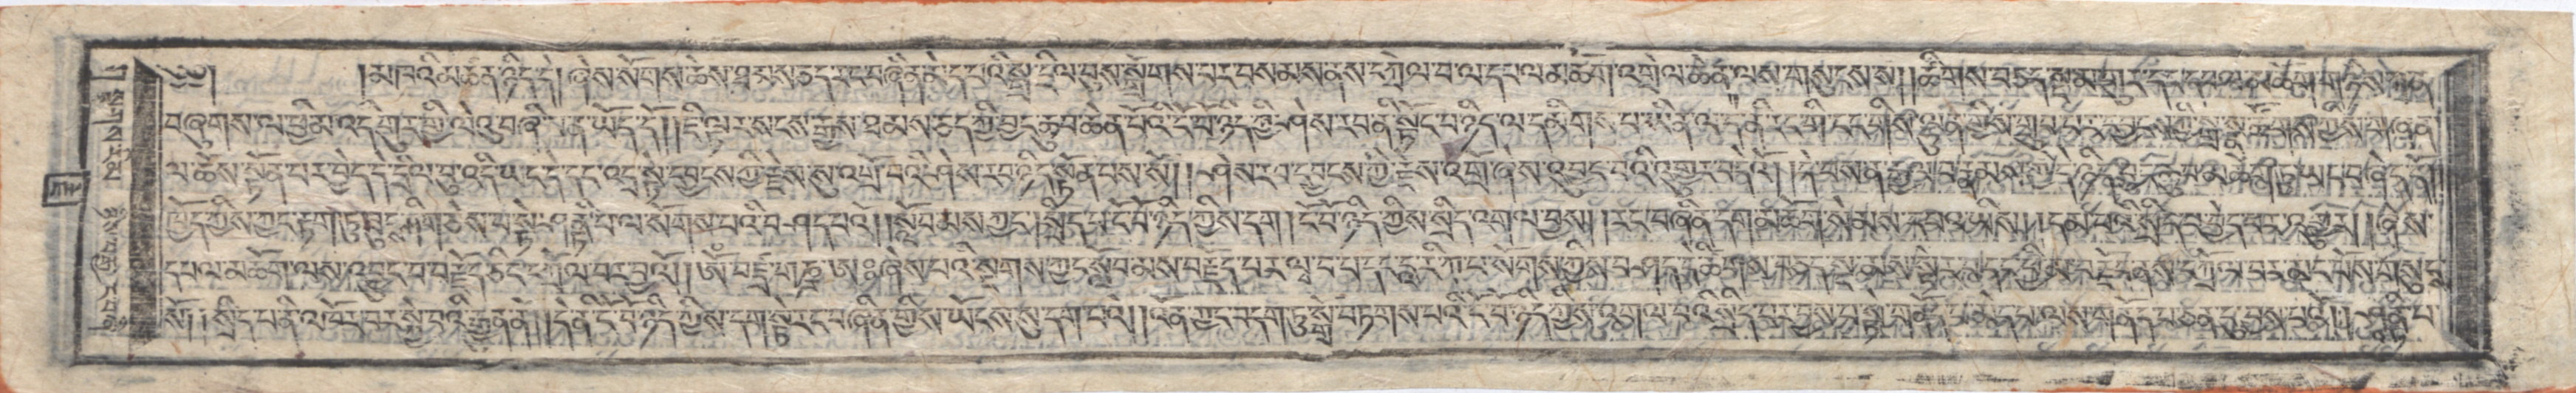༄༅། །མཁའི་མཚན་ཉིད་དེ། ཞེས་སོགས་ཆོས་ཐམས་ཅད་རང་བཞིན་མེད་པའི་སྒྲ་དྲིལ་བུས་སྒྲོགས་པར་བསམས་ནས་དཀྲོལ་བ་ལ་དཔལ་མཆོག་འགྲེལ་ཆེན་ལས་གསུངས་སོ། །ཚིགས་བཅད་སྔ་མ་གུར་དང་དཔལ་མཆོག་གཉིས་ཀ་ན་
བཞུགས་ལ་ཕྱི་མ་འདི་གུར་གྱི་ལེའུ་བཞི་པ་ན་ཡོད་དོ། །ཇི་ལྟར་སངས་རྒྱས་ཐམས་ཅད་ཀྱི་བྱང་ཆུབ་ཆེན་པོའི་ངོ་བོ་ཉིད་ཀྱི་ཤེས་རབ་ནི་སྟོང་པ་ཉིད་ལ་དམིགས་པ་ཡིན་ལ་དེ་ནི་རང་གི་ངང་གིས་ལྷུན་གྱིས་གྲུབ་པར་དབྱངས་ཀྱི་སྒྲ་སྣ་ཚོགས་ཀྱིས་གཞན་
ལ་ཆོས་སྟོན་པར་བྱེད་དེ་དྲིལ་བུ་འདི་ཡང་དེ་དང་འདྲ་སྟེ་དབྱངས་ཀྱི་རྗེས་སུ་འགྲོ་བའི་ཤེས་རབ་ཉིད་སྟོན་པས་སོ། །ཤེས་རབ་དབྱངས་ཀྱི་རྗེས་འགྲོ་ཞེས་འབྱུང་བའི་འགྱུར་བདེའོ། །དེ་བས་ན་རྒྱལ་བ་རྣམས་ཀྱི་དེ་ཉིད་བྱང་ཆུབ་མཆོག་ཏུ་ཡང་བཞེད་དོ། །
ཁྱོད་ཀྱིས་ཀྱང་རྟག་ཏུ་ཟུངས་ཤིག་ཅེས་པ་སྟེ་ཤནྟི་པ་ལ་སོགས་པའི་བཤད་པའོ། །སློབ་མས་ཀྱང་། སྲིད་པ་ངོ་བོ་ཉིད་ཀྱིས་དག །ངོ་བོ་ཉིད་ཀྱིས་སྲིད་འགལ་བྱས། །རང་བཞིན་དག་མཆོག་སེམས་དཔའ་ཡིས། །དམ་པའི་སྲིད་པ་བྱེད་པར་འགྱུར། །ཞེས་
དཔལ་མཆོག་ལས་འབྱུང་བ་བརྗོད་ཅིང་དཀྲོལ་བར་བྱའོ། །ཨོཾ་བཛྲ་གཎྜ་ཨཿ ཞེས་པའི་སྔགས་ཀྱང་སློབ་མས་བརྗོད་པར་ལྭ་བ་པ་དང་དཱ་རི་ཀ་པ་སོགས་ཀྱིས་བཤད་དེ་ཚིགས་བཅད་སྔ་མས་སྟེར་བ་དང་ཕྱི་མ་བརྗོད་ནས་དཀྲོལ་བར་མང་པོས་གསུངས་
སོ། །སྲིད་པ་ནི་འཁོར་བར་སྐྱེ་བའི་རྒྱུན་ནོ། །དེ་ནི་ངོ་བོ་ཉིད་ཀྱིས་དག་སྟེ་རང་བཞིན་གྱིས་ཡོངས་སུ་དག་པའོ། །འོན་ཀྱང་བདག་ཏུ་སྒྲོ་བཏགས་པའི་ངོ་བོ་ཉིད་ཀྱིས་འགལ་བའི་སྲིད་པར་བྱས་པ་སྟེ་གནོད་པ་མེད་པ་ལས་གནོད་པ་ཅན་དུ་བྱས་པའོ། །ཤཱནྟི་པ་